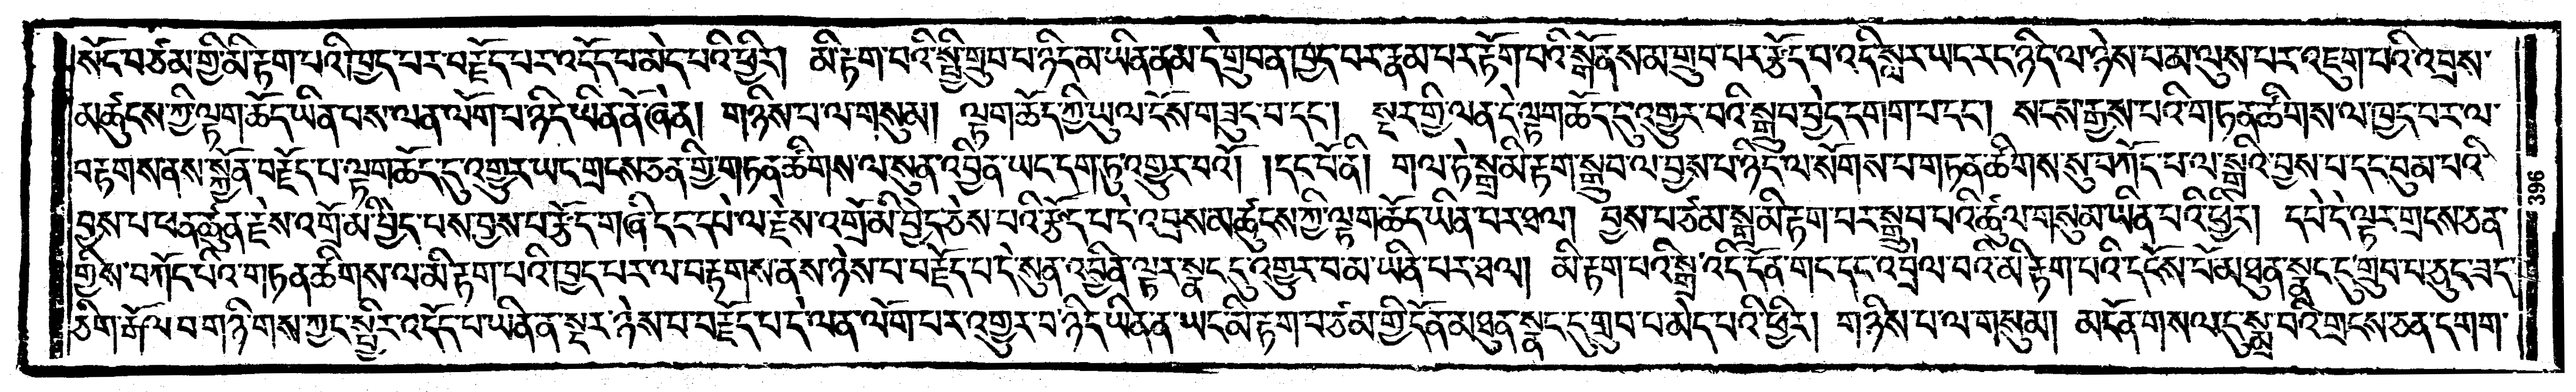སོང་བ་ཙམ་གྱི་མི་རྟག་པའི་ཁྱད་པར་བརྗོད་པར་འདོད་པ་མེད་པའི་ཕྱིར། མི་རྟག་པའི་སྤྱི་གྲུབ་པ་ཉིད་མ་ཡིན་ནམ་དེ་གྲུབ་ན་ཁྱད་པར་རྣམ་པར་རྟོག་པའི་སྒོ་ནས་མ་གྲུབ་པར་རྩོད་པ་འདི་སླར་ཡང་རང་ཉིད་ལ་ཉེས་པ་མ་ལུས་པར་འཇུག་པའི་འབྲས་
མཚུངས་ཀྱི་ལྟག་ཆོད་ཡིན་པས་ལན་ལོག་པ་ཉིད་ཡིན་ནོ་ཞེ་ན། གཉིས་པ་ལ་གསུམ། ལྟག་ཆོད་ཀྱི་ཡུལ་ངོས་གཟུང་བ་དང་། སྔར་གྱི་ལན་དེ་ལྟག་ཆོད་དུ་འགྱུར་བའི་སྒྲུབ་བྱེད་དགག་པ་དང་། སངས་རྒྱས་པའི་གཏན་ཚིགས་ལ་ཁྱད་པར་ལ་
བརྟགས་ནས་སྐྱོན་བརྗོད་པ་ལྟག་ཆོད་དུ་འགྱུར་ཡང་གྲངས་ཅན་གྱི་གཏན་ཚིགས་ལ་སུན་འབྱིན་ཡང་དག་ཏུ་འགྱུར་བའོ། །དང་པོ་ནི། གལ་ཏེ་སྒྲ་མི་རྟག་སྒྲུབ་ལ་བྱས་པ་ཉིད་ལ་སོགས་པ་གཏན་ཚིགས་སུ་བཀོད་པ་ལ་སྒྲའི་བྱས་པ་དང་བུམ་པའི་
བྱས་པ་ཕན་ཚུན་རྗེས་འགྲོ་མི་བྱེད་པས་བྱས་པ་རྩོད་གཞི་དང་དཔེ་ལ་རྗེས་འགྲོ་མི་བྱེད་ཅེས་པའི་རྩོད་པ་དེ་འབྲས་མཚུངས་ཀྱི་ལྟག་ཆོད་ཡིན་པར་ཐལ། བྱས་པ་ཙམ་སྒྲ་མི་རྟག་པར་སྒྲུབ་པའི་ཚུལ་གསུམ་ཡིན་པའི་ཕྱིར། དཔེ་དེ་ལྟར་གྲངས་ཅན་
གྱིས་བཀོད་པའི་གཏན་ཚིགས་ལ་མི་རྟག་པའི་ཁྱད་པར་ལ་བརྟགས་ནས་ཉེས་པ་བརྗོད་པ་དེ་སུན་འབྱིན་ལྟར་སྣང་དུ་འགྱུར་བ་མ་ཡིན་པར་ཐལ། མི་རྟག་པའི་སྒྲ་འདི་དོན་གང་དང་འབྲེལ་བའི་མི་རྟག་པའི་དངོས་པོ་མཐུན་སྣང་དུ་གྲུབ་པ་ཅུང་ཟད་
ཅིག་རྒོལ་བ་གཉི་གས་ཀྱང་སྤྱིར་འདོད་པ་ཡིན་ན་སྔར་ཉེས་པ་བརྗོད་པ་དེ་ལན་ལོག་པར་འགྱུར་བ་ཉིད་ཡིན་ན་ཡང་མི་རྟག་པ་ཙམ་གྱི་དོན་མཐུན་སྣང་དུ་གྲུབ་པ་མེད་པའི་ཕྱིར། གཉིས་པ་ལ་གསུམ། མངོན་གསལ་དུ་སྨྲ་བའི་གྲངས་ཅན་དགག་